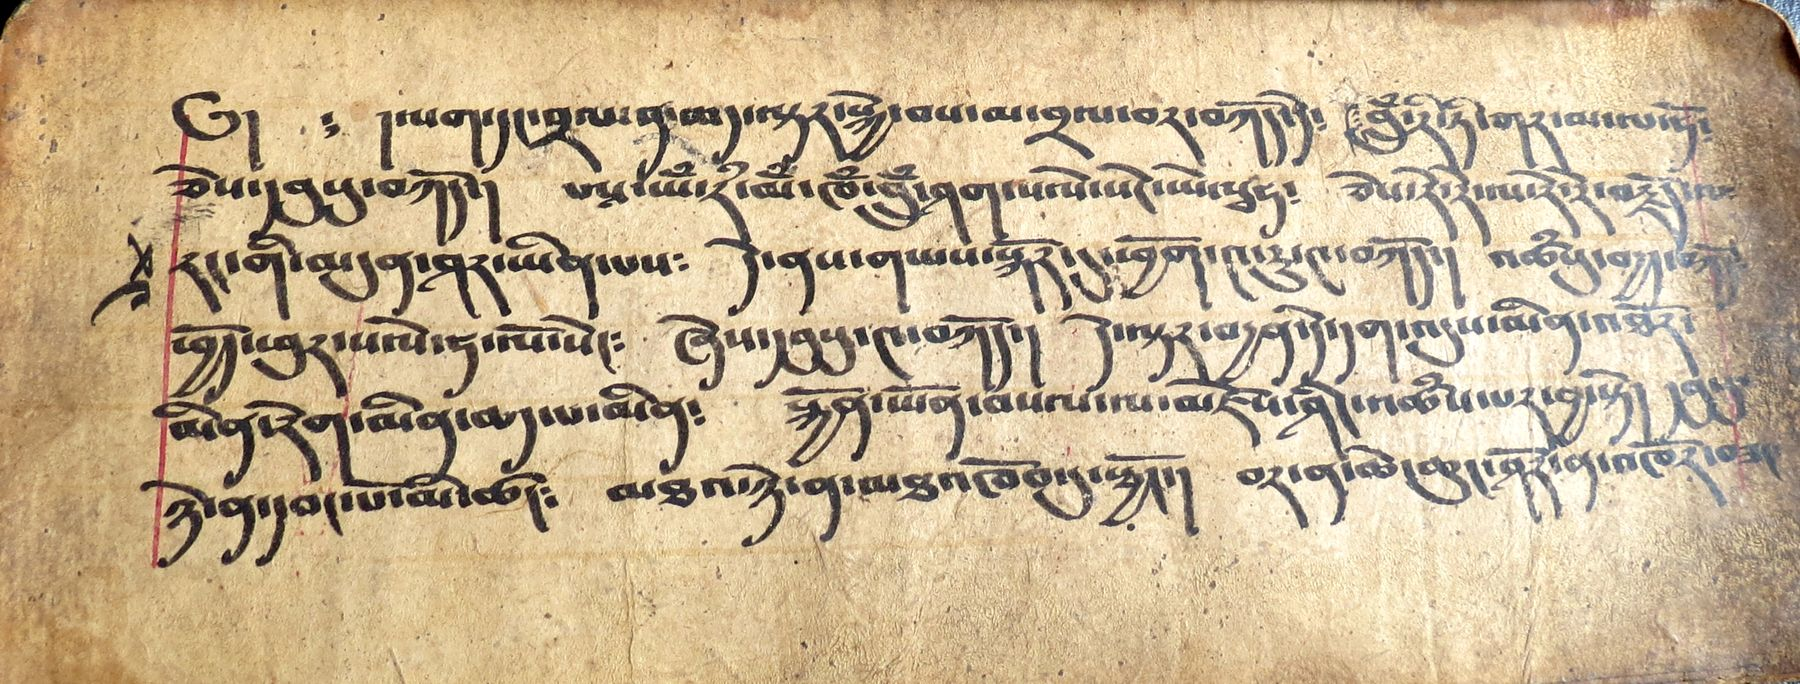ལག་དང་བྲལ་ན་ཆད་ལྟར་སྐྱེ་བས་མ་བྲལ་བར་བཀོད་དེ། བྲུཾ་རི་ཏི་གར་མ་ལ་ཧོ། 
ཞེས་དབུས་སུ་བཀོད། ཨ་ཡཾ་རཾ་མཾ་ཁཾ་བྲུཾ་ཤག་སལེ་སང་ངེ་ཡེ་སྭཱཧཱ། ཞེས་རེ་རེ་ལ་རེ་རེ་བརྗོད་ལ། 
རང་གི་མདུན་ཤར་ཡིན་པས་དེ་ནས་གཡས་བསྐོར་དུ་ཕྱོགས་བཞི་རུ་བཞི་བཀོད། མཚམས་སུ་བརྒྱད་བཀོད། 
ཕྱོད་ཕུར་སལེ་ཧ་ལོ་སེང་། ཞེས་དབུས་སུ་བཞི་དགོད། དེ་ལྟར་རྒྱན་དེ་དག་འདུས་མིན་འཐོར་
མིན་རེག་མིན་ཆད་པ་མིན་པའི། སྐྱོན་ཡོན་བསམ་ལ་མཛེས་ཤིང་འཚམས་པར་བྱས་སྟེ། དབུས་སུ་
ཉེ་ན་དབང་པོ་མི་ཚང་། མཐར་ཉེ་ན་མཐའ་འཁོབ་ཏུ་སྦྱོང་། བར་ན་ཆེ་ཆུང་ཤོར་ན་འཁོར་བཟང་